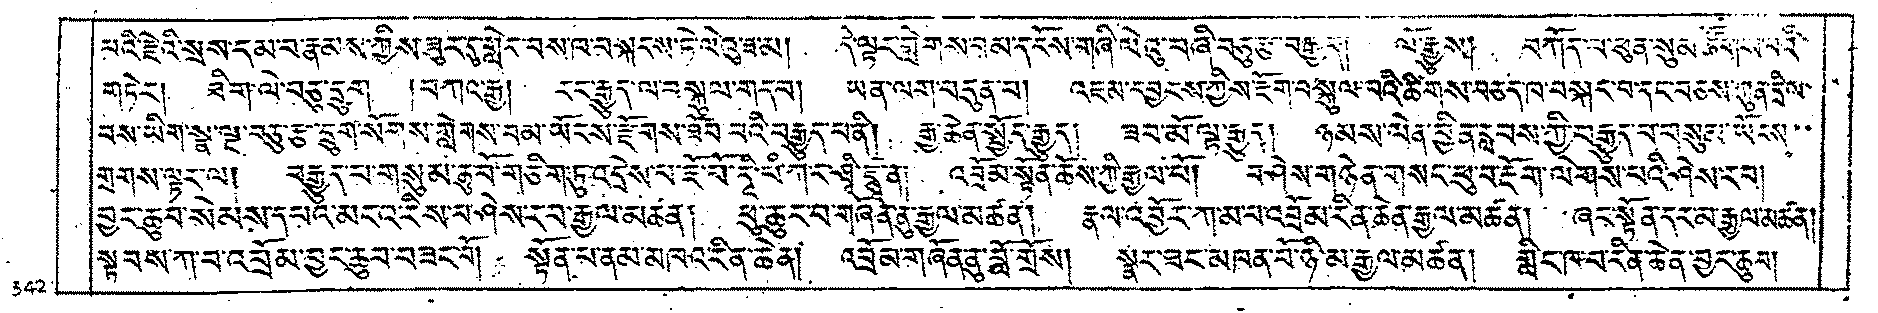པའི་རྗེའི་སྲས་དམ་པ་རྣམས་ཀྱིས་ཟུར་དུ་གླེང་བས་ཁ་བསྐངས་ཏེ་ལེའུ་ཐ་མ། དེ་ལྟར་གླེགས་བམ་དངོས་གཞི་ལེའུ་བཞི་བཅུ་རྩ་བརྒྱད། ལོ་རྒྱུས། བཀོད་པ་ཕུན་སུམ་ཚོགས་པའི་
གཏེར། ཐིག་ལེ་བཅུ་དྲུག །བཀའ་རྒྱ། རང་རྒྱུད་ལ་བསྐུལ་གདབ། ཡན་ལག་བདུན་པ། འཇམ་དབྱངས་ཀྱིས་རྔོག་བསྐུལ་བའི་ཚིགས་བཅད་ཁ་བསྐང་བ་དང་བཅས་ཀུན་དྲིལ་
བས་ཡིག་སྣ་ལྔ་བཅུ་རྩ་དྲུག་སོགས་གླེགས་བམ་ཡོངས་རྫོགས་ཐོབ་པའི་བརྒྱུད་པ་ནི། རྒྱ་ཆེན་སྤྱོད་རྒྱུད། ཟབ་མོ་ལྟ་རྒྱུད། ཉམས་ལེན་བྱིན་རླབས་ཀྱི་བརྒྱུད་པ་གསུམ་ཡོངས་
གྲགས་ལྟར་ལ། བརྒྱུད་པ་གསུམ་ཆུ་བོ་གཅིག་ཏུ་འདྲེས་པ་ཇོ་བོ་དཱི་པཾ་ཀ་ར་ཤྲཱི་ཛྙཱ་ན། འབྲོམ་སྟོན་ཆོས་ཀྱི་རྒྱལ་པོ། བཤེས་གཉེན་གསང་ཕུ་བ་རྔོག་ལེགས་པའི་ཤེས་རབ།
བྱང་ཆུབ་སེམས་དཔའ་མངའ་རིས་པ་ཤེས་རབ་རྒྱལ་མཚན། ཕུ་ཆུང་བ་གཞོན་ནུ་རྒྱལ་མཚན། རྣལ་འབྱོར་ཀ་མ་པ་འབྲོམ་རིན་ཆེན་རྒྱལ་མཚན། ཞང་སྟོན་དར་མ་རྒྱལ་མཚན།
སྟབས་ཀ་བ་འབྲོམ་བྱང་ཆུབ་བཟང་པོ། སྟོན་པ་ནམ་མཁའ་རིན་ཆེན། འབྲོམ་གཞོན་ནུ་བློ་གྲོས། སྣར་ཐང་མཁན་པོ་ཉི་མ་རྒྱལ་མཚན། གླིང་ཁ་བ་རིན་ཆེན་བྱང་ཆུབ།